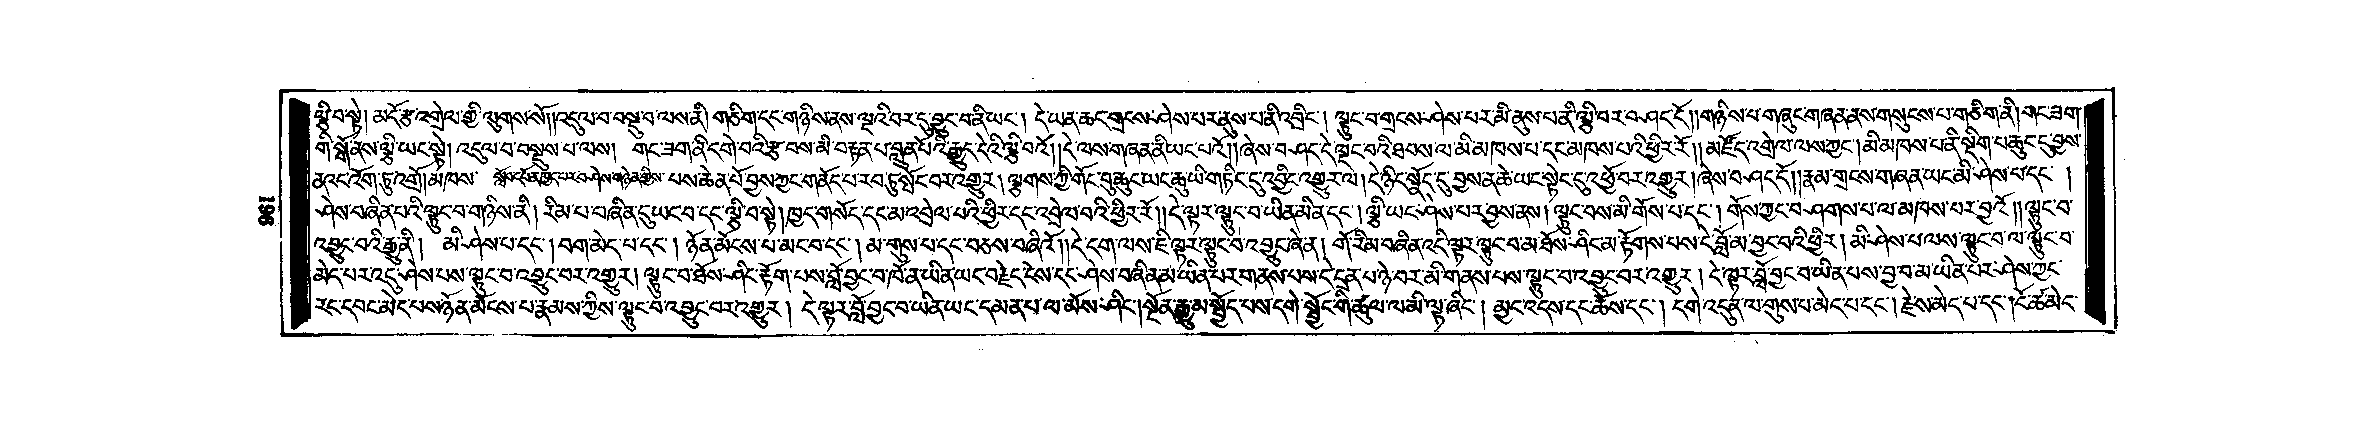ལྕི་བ་སྟེ། མདོ་རྩ་འགྲེལ་གྱི་ལུགས་སོ། །འདུལ་བ་བསྡུ་བ་ལས་ནི། གཅིག་དང་གཉིས་ནས་ལྔའི་བར་དུ་བྱུང་བ་ནི་ཡང་། དེ་ཡན་ཆད་གྲངས་ཤེས་པར་ནུས་པ་ནི་འབྲིང་། ལྟུང་བ་གྲངས་ཤེས་པར་མི་ནུས་པ་ནི་ལྕི་བར་བཤད་དོ། །གཉིས་པ་གཞུང་གཞན་ནས་གསུངས་པ་གཅིག་ནི། གང་ཟག་
གི་སྒོ་ནས་ལྕི་ཡང་སྟེ། འདུལ་བ་བསྡུས་པ་ལས། གང་ཟག་ནི་དགེ་བའི་རྩ་བས་མི་བརྟན་པ་བླུན་པོའི་རྒྱུད་དེའི་ལྕི་བའོ། །དེ་ལས་གཞན་ནི་ཡང་པའོ། །ཞེས་བཤད་དེ་ལྡང་བའི་ཐབས་ལ་མི་མཁས་པ་དང་མཁས་པའི་ཕྱིར་རོ། །མཛོད་འགྲེལ་ལས་ཀྱང་། མི་མཁས་པ་ནི་སྡིག་པ་ཆུང་ངུ་བྱས་
ནའང་འོག་ཏུ་འགྲོ་།མཁས་སློབ་དཔོན་ཁྱད་པར་བཤེས་གཉེན་གྱིས་པས་ཆེན་པོ་བྱས་ཀྱང་གནོད་པ་རབ་ཏུ་སྤོང་བར་འགྱུར། ལྕགས་ཀྱི་གོང་བུ་ཆུང་ཡང་ཆུ་ཡི་གཏིང་དུ་འབྱིང་འགྱུར་ལ། དེ་ཉིད་སྣོད་དུ་བྱས་ན་ཆེ་ཡང་སྟེང་དུ་འཕྱོ་བར་འགྱུར། ཞེས་བཤད་དོ། །རྣམ་གྲངས་གཞན་ཡང་མི་ཤེས་པ་དང་།
ཤེས་བཞིན་པའི་ལྟུང་བ་གཉིས་ནི། རིམ་པ་བཞིན་དུ་ཡང་བ་དང་ལྕི་བ་སྟེ། ཁྱད་གསོད་དང་མ་འབྲེལ་པའི་ཕྱིར་དང་འབྲེལ་བའི་ཕྱིར་རོ། །དེ་ལྟར་ལྟུང་བ་ཡིན་མིན་དང་། ལྕི་ཡང་ཤེས་པར་བྱས་ནས། ལྟུང་བས་མི་གོས་པ་དང་། གོས་ཀྱང་བཤགས་པ་ལ་མཁས་པར་བྱའོ། །ལྟུང་བ་
འབྱུང་བའི་རྒྱུ་ནི། མི་ཤེས་པ་དང་། བག་མེད་པ་དང་། ཉོན་མོངས་པ་མང་བ་དང་། མ་གུས་པ་དང་བཅས་བཞིའོ། །དེ་དག་ལས་ཇི་ལྟར་ལྟུང་བ་འབྱུང་ཞེ་ན། གོ་རིམ་བཞིན་འདི་ལྟར་ལྟུང་བ་མ་ཐོས་ཤིང་མ་རྟོགས་པས་དེ་བློ་མ་བྱང་བའི་ཕྱིར། མི་ཤེས་པ་ལས་ལྟུང་བ་ལ་ལྟུང་བ་
མེད་པར་འདུ་ཤེས་པས་ལྟུང་བ་འབྱུང་བར་འགྱུར། ལྟུང་བ་ཐོས་ཤིང་རྟོག་པས་བློ་བྱང་བ་ཁོ་ན་ཡིན་ཡང་བརྗེད་ངེས་དང་ཤེས་བཞིན་མ་ཡིན་པར་གནས་པས་དེ་དྲན་པ་ཉེ་བར་མི་གནས་པས་ལྟུང་བ་འབྱུང་བར་འགྱུར། དེ་ལྟར་བློ་བྱང་བ་ཡིན་པས་བྱ་བ་མ་ཡིན་པར་ཤེས་ཀྱང་
རང་དབང་མེད་པས་ཉོན་མོངས་པ་རྣམས་ཀྱིས་ལྟུང་བ་འབྱུང་བར་འགྱུར། དེ་ལྟར་བློ་བྱང་བ་ཡིན་ཡང་དམན་པ་ལ་མོས་ཤིང་། སྔོན་རྒྱུ་མ་སྤྱོད་པས་དགེ་སྦྱོང་གི་ཚུལ་ལ་མི་ལྟ་ཞིང་། མྱང་འདས་དང་ཆོས་དང་། དགེ་འདུན་ལ་གུས་པ་མེད་པ་དང་། རྗེ་ས་མེད་པ་དང་། ངོ་ཚ་མེད་